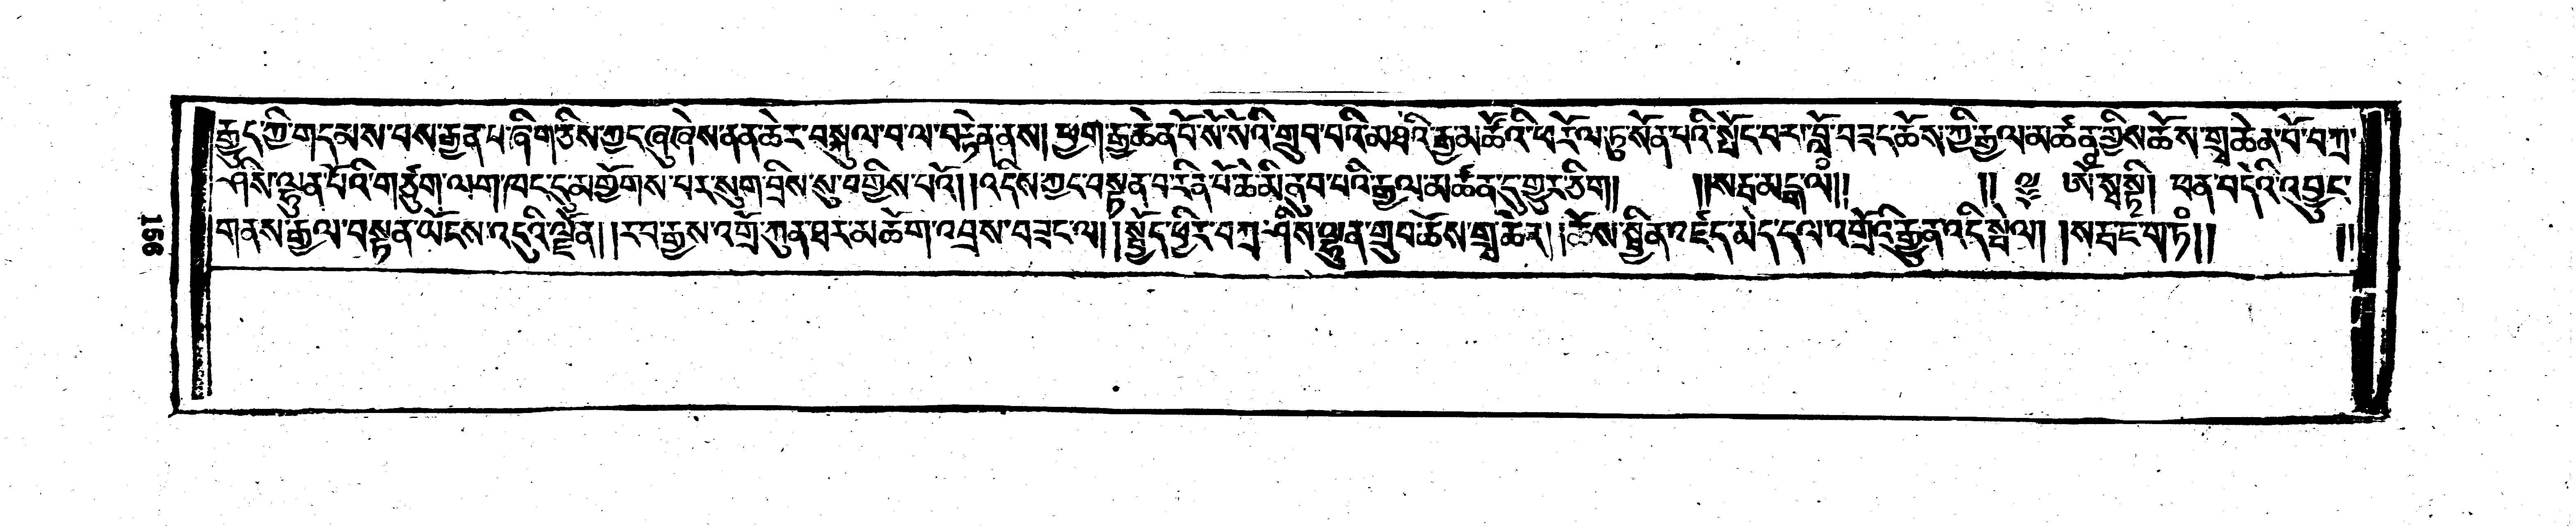རྒྱུད་ཀྱི་གདམས་པས་རྒྱན་པ་ཞིག་ཅིས་ཀྱང་ཞུ་ཞེས་ནན་ཆེར་བསྐུལ་པ་ལ་བརྟེན་ནས། ཕྱག་རྒྱ་ཆེན་པོ་སོ་སོའི་གྲུབ་པའི་མཐའ་རྒྱ་མཚོའི་ཕ་རོལ་ཏུ་སོན་པའི་སྤོང་བ་པ་བློ་བཟང་ཆོས་ཀྱི་རྒྱལ་མཚན་གྱིས་ཆོས་གྲྭ་ཆེན་པོ་བཀྲ་
ཤིས་ལྷུན་པོའི་གཙུག་ལག་ཁང་དུ་མགྱོགས་པར་སུག་བྲིས་སུ་བགྱིས་པའོ། །འདིས་ཀྱང་བསྟན་པ་རིན་པོ་ཆེ་མི་ནུབ་པའི་རྒྱལ་མཚན་དུ་གྱུར་ཅིག ། །།སརྦ་མངྒ་ལཾ།། །།༈ ཨོཾ་སྭ་སྟི། ཕན་བདེའི་འབྱུང་
གནས་རྒྱལ་བསྟན་ཡོངས་འདུའི་ལྗོན། །རབ་རྒྱས་འགྲོ་ཀུན་ཐར་མཆོག་འབྲས་བཟང་ལ། །སྤྱོད་ཕྱིར་བཀྲ་ཤིས་ལྷུན་གྲུབ་ཆོས་གྲྭ་ཆེར། །ཆོས་སྦྱིན་འཛད་མེད་དལ་འགྲོའི་རྒྱུན་འདི་སྤེལ། །སརྦ་ཛ་ག་ཏཾ།། །།